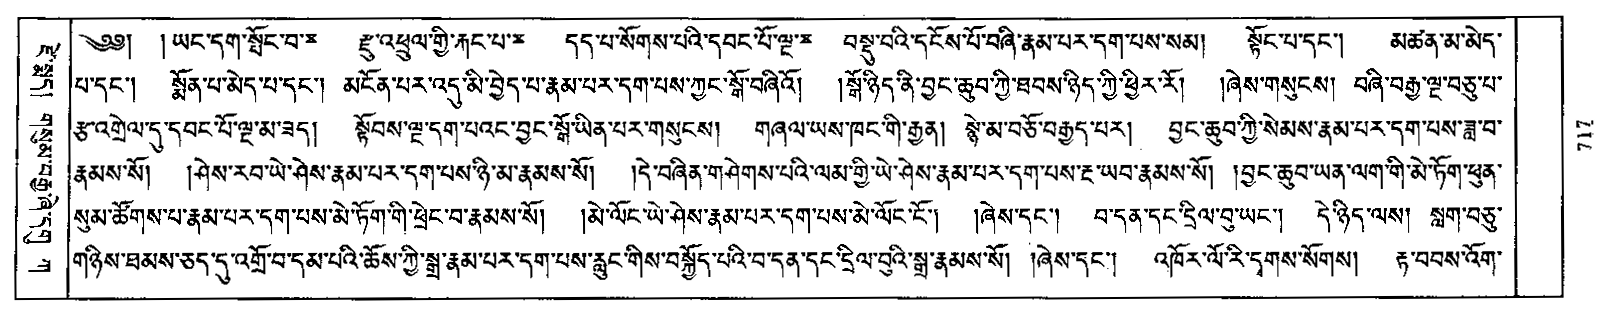༄༅། །ཡང་དག་སྤོང་བ་྾་རྫུ་འཕྲུལ་གྱི་རྐང་པ་྾་དད་པ་སོགས་པའི་དབང་པོ་ལྔ་྾་བསྡུ་བའི་དངོས་པོ་བཞི་རྣམ་པར་དག་པས་སམ། སྟོང་པ་དང་། མཚན་མ་མེད་
པ་དང་། སྨོན་པ་མེད་པ་དང་། མངོན་པར་འདུ་མི་བྱེད་པ་རྣམ་པར་དག་པས་ཀྱང་སྒོ་བཞིའོ། །སྒོ་ཉིད་ནི་བྱང་ཆུབ་ཀྱི་ཐབས་ཉིད་ཀྱི་ཕྱིར་རོ། །ཞེས་གསུངས། བཞི་བརྒྱ་ལྔ་བཅུ་པ་
རྩ་འགྲེལ་དུ་དབང་པོ་ལྔ་མ་ཟད། སྟོབས་ལྔ་དག་པའང་བྱང་སྒོ་ཡིན་པར་གསུངས། གཞལ་ཡས་ཁང་གི་རྒྱན། སྙེ་ཨམ་བཅོ་བརྒྱད་པར། བྱང་ཆུབ་ཀྱི་སེམས་རྣམ་པར་དག་པས་ཟླ་བ་
རྣམས་སོ། །ཤེས་རབ་ཡེ་ཤེས་རྣམ་པར་དག་པས་ཉི་མ་རྣམས་སོ། །དེ་བཞིན་གཤེགས་པའི་ལམ་གྱི་ཡེ་ཤེས་རྣམ་པར་དག་པས་རྔ་ཡབ་རྣམས་སོ། །བྱང་ཆུབ་ཡན་ལག་གི་མེ་ཏོག་ཕུན་
སུམ་ཚོགས་པ་རྣམ་པར་དག་པས་མེ་ཏོག་གི་ཕྲེང་བ་རྣམས་སོ། །མེ་ལོང་ཡེ་ཤེས་རྣམ་པར་དག་པས་མེ་ལོང་ངོ། །ཞེས་དང་། བ་དན་དང་དྲིལ་བུ་ཡང་། དེ་ཉིད་ལས། སླག་བཅུ་
གཉིས་ཐམས་ཅད་དུ་འགྲོ་བ་དམ་པའི་ཆོས་ཀྱི་སྒྲ་རྣམ་པར་དག་པས་རླུང་གིས་བསྐྱོད་པའི་བ་དན་དང་དྲིལ་བུའི་སྒྲ་རྣམས་སོ། །ཞེས་དང་། འཁོར་ལོ་རི་དྭགས་སོགས། རྟ་བབས་འོག་